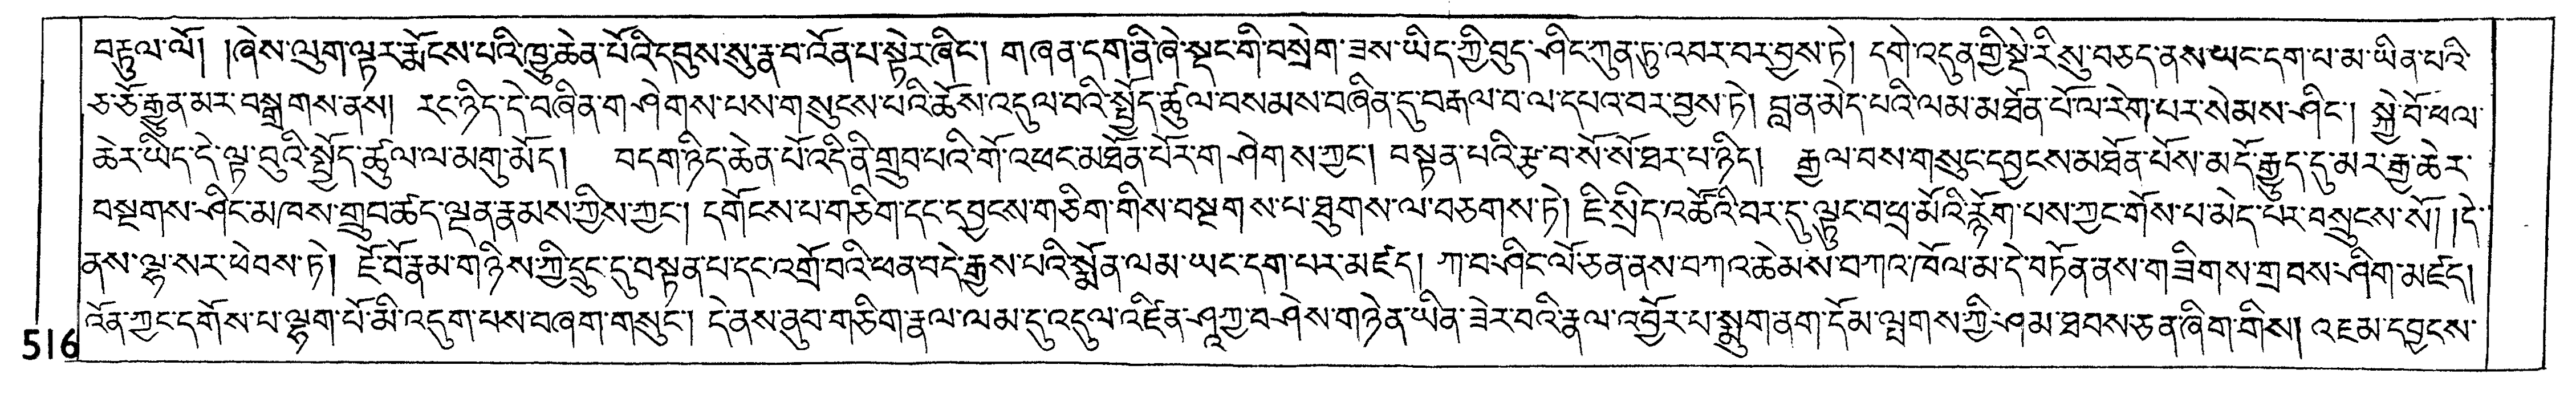བརྟུལ་ལོ། །ཞེས་ལུག་ལྟར་རྨོངས་པའི་ཁྱུ་ཆེན་པོའི་དབུས་སུ་རྣ་བ་འོན་པ་སྟེར་ཞིང་། གཞན་དག་ནི་ཞེ་སྡང་གི་བསྲེག་ཟས་ཡིད་ཀྱི་བུད་ཤིང་ཀུན་ཏུ་འབར་བར་བྱས་ཏེ། དགེ་འདུན་གྱི་སྡེ་རི་སུ་བཅད་ནས་ཡང་དག་པ་མ་ཡིན་པའི་
ཅ་ཅོ་རྒྱུན་མར་བསྒྲགས་ནས། རང་ཉིད་དེ་བཞིན་གཤེགས་པས་གསུངས་པའི་ཆོས་འདུལ་བའི་སྤྱོད་ཚུལ་བསམས་བཞིན་དུ་བརྒལ་བ་ལ་དཔའ་བར་བྱས་ཏེ། བླ་ན་མེད་པའི་ལམ་མཐོན་པོ་ལ་རེག་པར་སེམས་ཤིང་། སྐྱེ་བོ་ཕལ་
ཆེར་ཡིད་དེ་ལྟ་བུའི་སྤྱོད་ཚུལ་ལ་མགུ་མོད། བདག་ཉིད་ཆེན་པོ་འདི་ནི་གྲུབ་པའི་གོ་འཕང་མཐོན་པོར་གཤེགས་ཀྱང་། བསྟན་པའི་རྩ་བ་སོ་སོ་ཐར་པ་ཉིད། རྒྱལ་བས་གསུང་དབྱངས་མཐོན་པོས་མདོ་རྒྱུད་དུ་མར་རྒྱ་ཆེར་
བསྔགས་ཤིང་མཁས་གྲུབ་ཚད་ལྡན་རྣམས་ཀྱིས་ཀྱང་། དགོངས་པ་གཅིག་དང་དབྱངས་གཅིག་གིས་བསྔགས་པ་ཐུགས་ལ་བཅགས་ཏེ། ཇི་སྲིད་འཚོའི་བར་དུ་ལྟུང་བ་ཕྲ་མོའི་རྙོག་པས་ཀྱང་གོས་པ་མེད་པར་བསྲུངས་སོ། །དེ་
ནས་ལྷ་སར་ཕེབས་ཏེ། ཇོ་བོ་རྣམ་གཉིས་ཀྱི་དྲུང་དུ་བསྟན་པ་དང་འགྲོ་བའི་ཕན་བདེ་རྒྱས་པའི་སྨོན་ལམ་ཡང་དག་པར་མཛད། ཀ་བ་ཤིང་ལོ་ཅན་ནས་བཀའ་ཆེམས་བཀའ་ཁོལ་མ་དེ་བཏོན་ནས་གཟིགས་གྲབས་ཤིག་མཛད།
འོན་ཀྱང་དགོས་པ་ལྷག་པོ་མི་འདུག་པས་བཞག་གསུང་། དེ་ནས་ནུབ་གཅིག་རྣལ་ལམ་དུ་འདུལ་འཛིན་ཤཱཀྱ་བཤེས་གཉེན་ཡིན་ཟེར་བའི་རྣལ་འབྱོར་པ་སྨུག་ནག་དོམ་ལྤགས་ཀྱི་ཤམ་ཐབས་ཅན་ཞིག་གིས། འཇམ་དབྱངས་